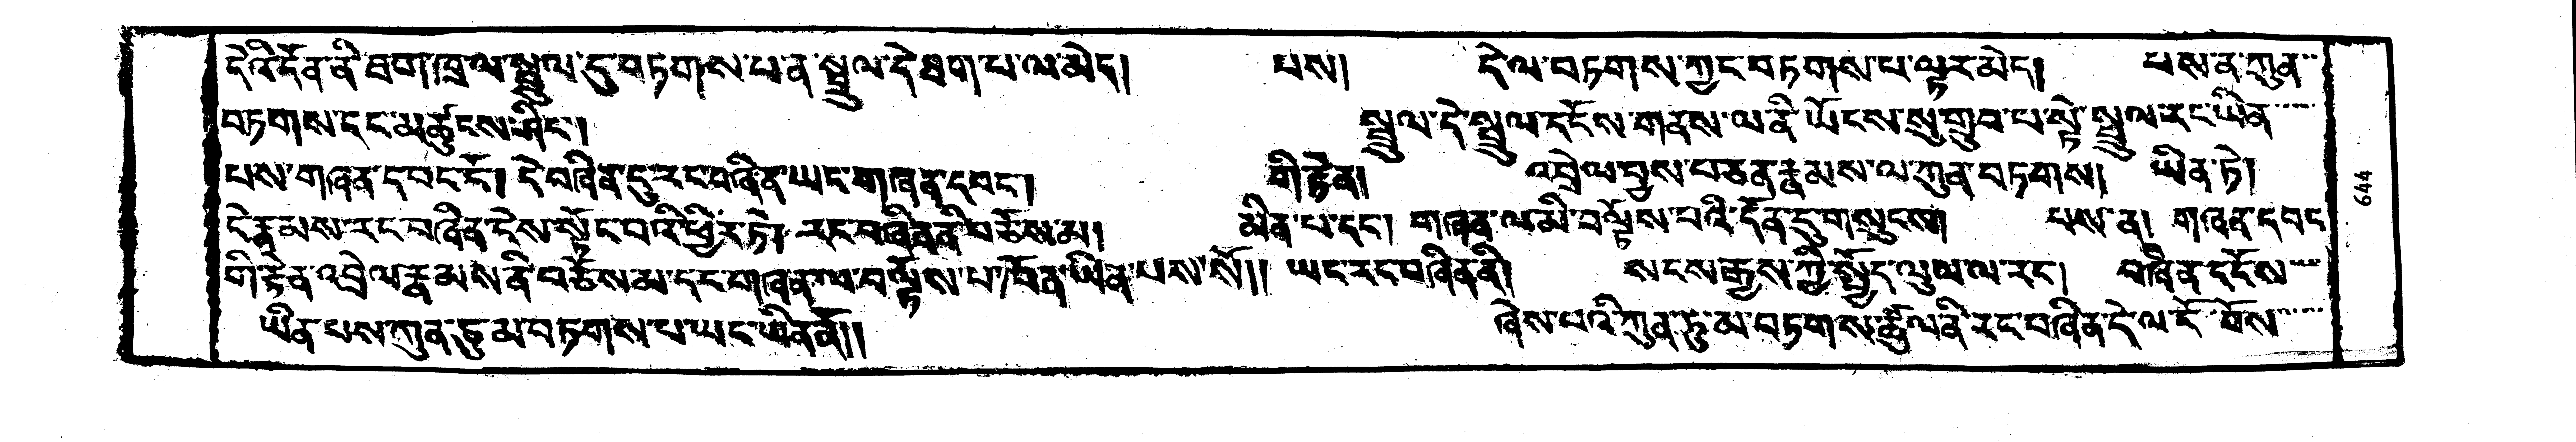དེའི་དོན་ནི་ཐག་ཁྲ་ལ་སྤྲུལ་དུ་བཏགས་པ་ན་སྤྲུལ་དེ་ཐག་པ་ལ་མེད། པས། དེ་ལ་བཏགས་ཀྱང་བཏགས་པ་ལྟར་མེད། པས་ན་ཀུན་
བཏགས་དང་མཚུངས་ཤིང་། སྤྲུལ་དེ་སྤྲུལ་དངོས་གནས་ལ་ནི་ཡོངས་སུ་གྲུབ་པ་སྟེ་སྤྲུལ་རང་ཡིན་
པས་གཞན་དབང་ངོ། དེ་བཞིན་དུ་རང་བཞིན་ཡང་གཞན་དབང་། གི་རྟེན། འབྲེལ་བྱས་པ་ཅན་རྣམས་ལ་ཀུན་བཏགས། ཡིན་ཏེ།
དེ་རྣམས་རང་བཞིན་དེས་སྟོང་པའི་ཕྱིར་ཏེ། རང་བཞིན་ནི་བཅོས་མ། མིན་པ་དང་། གཞན་ལ་མི་བལྟོས་པའི་དོན་དུ་གསུངས། པས་ན། གཞན་དབང་
གི་རྟེན་འབྲེལ་རྣམས་ནི་བཅོས་མ་དང་གཞན་ལ་བལྟོས་པ་ཁོ་ན་ཡིན་པས་སོ།། ཡང་རང་བཞིན་ནི། སངས་རྒྱས་ཀྱི་སྤྱོད་ལུས་ལ་རང་། བཞིན་དངོས་
ཡིན་པས་ཀུན་ཏུ་མ་བཏགས་པ་ཡང་ཡིན་ནོ།། ཞེས་པའི་ཀུན་ཏུ་མ་བཏགས་ཚུལ་ནི་རང་བཞིན་དེ་ལ་ངོ་བོས་